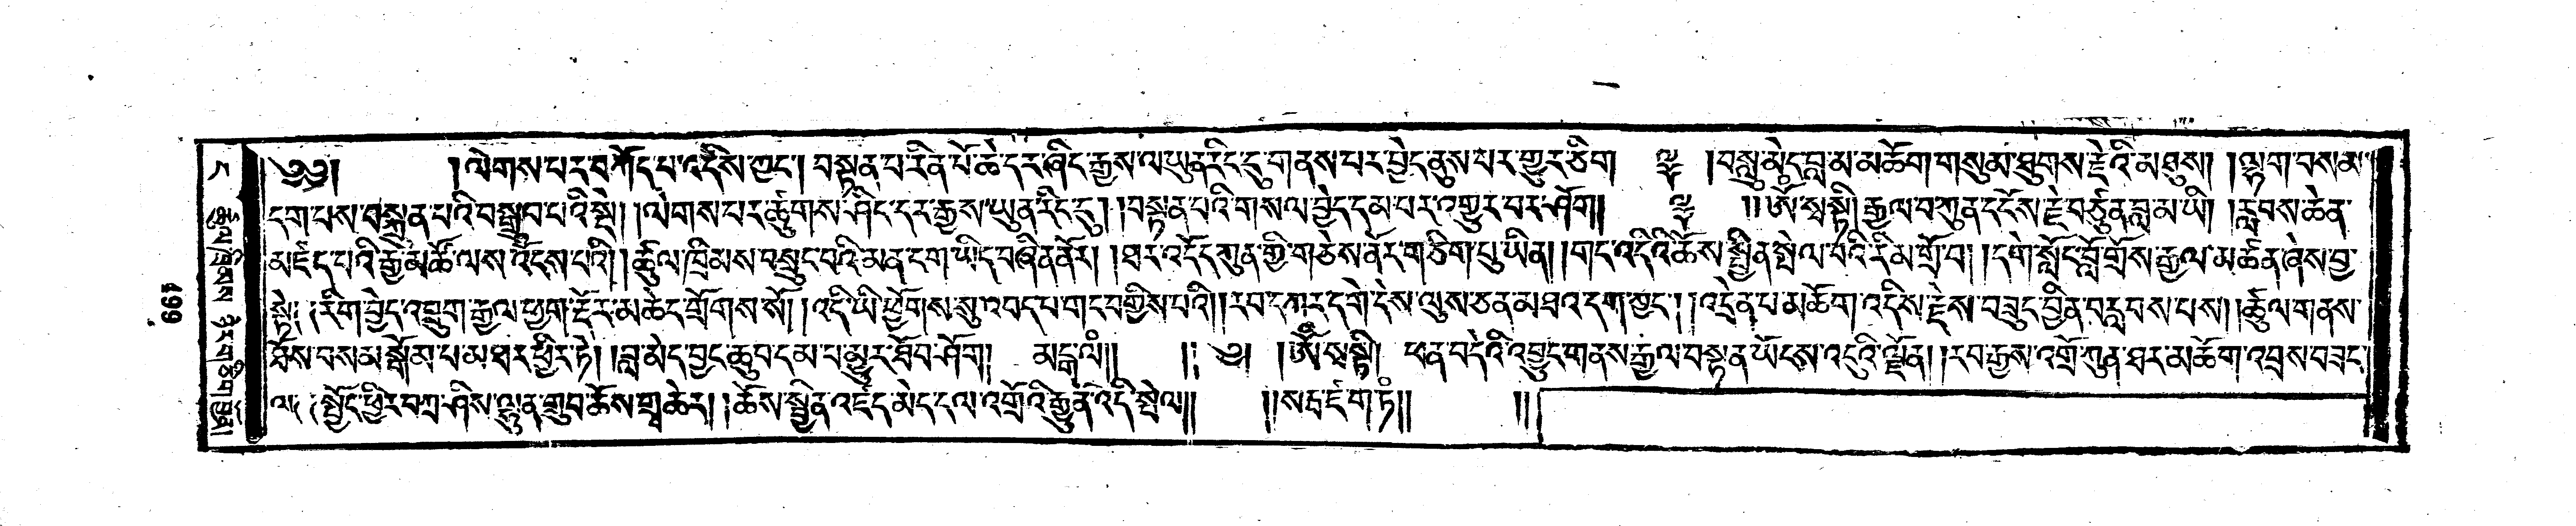༄༅། །ལེགས་པར་བཀོད་པ་འདིས་ཀྱང་། བསྟན་པ་རིན་པོ་ཆེ་དར་ཞིང་རྒྱས་ལ་ཡུན་རིང་དུ་གནས་པར་བྱེད་ནུས་པར་གྱུར་ཅིག ༈ །བསླུ་མེད་བླ་མ་མཆོག་གསུམ་ཐུགས་རྗེའི་མཐུས། །ལྷག་བསམ་
དག་པས་བསྐྲུན་པའི་བསྒྲུབ་པའི་སྡེ། །ལེགས་པར་ཚུགས་ཤིང་དར་རྒྱས་ཡུན་རིང་དུ། །བསྟན་པའི་གསལ་བྱེད་དམ་པར་འགྱུར་བར་ཤོག ། ༈ །།ཨོཾ་སྭ་སྟི། རྒྱལ་བ་ཀུན་དངོས་རྗེ་བཙུན་བླ་མ་ཡི། །རླབས་ཆེན་
མཛད་པའི་རྒྱ་མཚོ་ལས་འོངས་པའི། །ཚུལ་ཁྲིམས་བསྲུང་བའི་མན་ངག་ཡིད་བཞིན་ནོར། །ཐར་འདོད་ཀུན་གྱི་གཅེས་ནོར་གཅིག་པུ་ཡིན། །གང་འདིའི་ཆོས་སྦྱིན་སྤེལ་བའི་རིམ་གྲོ་པ། །དགེ་སློང་བློ་གྲོས་རྒྱལ་མཚན་ཞེས་བྱ་
སྟེ༑ ༑རིག་བྱེད་འབྲུག་རྒྱལ་ཕྱག་རྡོར་མཆེད་གྲོགས་སོ། །འདི་ཡི་ཕྱོགས་སུ་འབད་པ་གང་བགྱིས་པའི། །རབ་དཀར་དགེ་དེས་ལུས་ཅན་མཐའ་དག་ཀྱང་། །འདྲེན་པ་མཆོག་འདིས་རྗེས་བཟུང་བྱིན་བརླབས་པས། །ཚུལ་གནས་
ཐོས་བསམ་སྒོམ་པ་མཐར་ཕྱིར་ཏེ། །བླ་མེད་བྱང་ཆུབ་དམ་པ་མྱུར་ཐོབ་ཤོག །མངྒ་ལཾ།། །། ༄༅། །ཨོཾ་སྭསྟི། ཕན་བདེའི་འབྱུང་གནས་རྒྱལ་བསྟན་ཡོངས་འདུའི་ལྗོན། །རབ་རྒྱས་འགྲོ་ཀུན་ཐར་མཆོག་འབྲས་བཟང་
ལ༑ ༑སྤྱོད་ཕྱིར་བཀྲ་ཤིས་ལྷུན་གྲུབ་ཆོས་གྲྭ་ཆེར། །ཆོས་སྦྱིན་འཛད་མེད་དལ་འགྲོའི་རྒྱུན་འདི་སྤེལ།། །།སརྦ་ཛ་ག་ཏཾ།། །